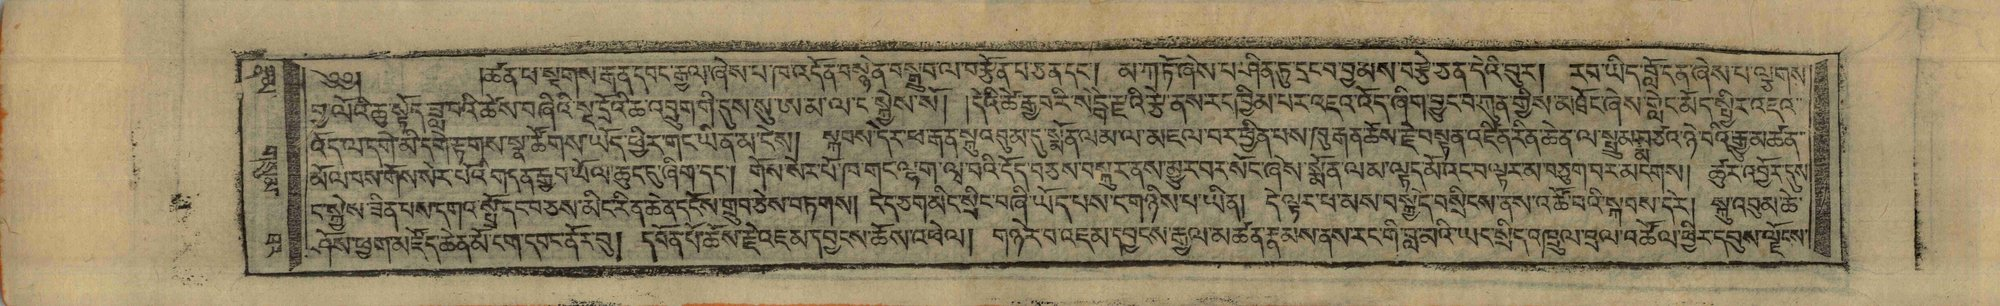༄༅། །ཚན་པ་སྔགས་རྒན་དབང་རྒྱལ་ཞེས་པ་ཁ་འདོན་བསྙེན་བསྒྲུབ་ལ་བརྩོན་པ་ཅན་དང་། མ་ཀ་ཏོ་ཞེས་པ་ཤིན་ཏུ་དྲང་བ་བྱམས་བརྩེ་ཅན་དེའི་བུར། རབ་ཡིད་བློ་ངན་ཞེས་པ་ལྕགས་
བྱ་ལོའི་ཆུ་སྟོད་ཟླ་བའི་ཚེས་བཞིའི་སྔ་དྲོའི་ཆ་འབྲུག་གི་དུས་སུ་ཨ་མ་ལ་ང་སྐྱེས་སོ། །དེའི་ཚེ་རྒྱབ་རི་སེངྒེ་རྫའི་རྩེ་ནས་རང་ཁྱིམ་པར་འཇའ་འོད་ཞིག་བྱུང་བ་ཀུན་གྱིས་མཐོང་ཞེས་གླེང་མོད་སྤྱིར་འཇའ་
འོད་ལ་དགེ་མི་དགེ་རྟགས་སྣ་ཚོགས་ཡོད་ཕྱིར་གང་ཡིན་མ་ངེས། སྐབས་དེར་ཕ་རྒན་སྐུ་འབུམ་དུ་སྨོན་ལམ་ལ་མཇལ་བར་ཕྱིན་པས་ཁུ་རྒན་ཆོས་རྗེ་བསྟན་འཛིན་རིན་ཆེན་ལ་སྤྲུམ་མ་བཙའ་ཉེ་བའི་རྒྱུ་མཚན་
མོལ་བས་གོས་སེར་པོའི་གདན་རྒྱབ་ཡོལ་ཆུང་ངུ་ཞིག་དང་། གོས་སེར་པོ་ཁ་གང་ལྷག་ལྭ་བའི་ངོད་བཅས་བསྐུར་ནས་མྱུར་བར་སོང་ཞེས་སྨོན་ལམ་ལྟད་མོ་འང་བལྟར་མ་བཅུག་བར་མངགས། ཚུར་འབྱོར་དུས་
ང་སྐྱེས་ཟིན་པས་དགའ་སྤྲོ་དང་བཅས་མིང་རིན་ཆེན་དངོས་གྲུབ་ཅེས་བཏགས། ངེད་ཅག་མིང་སྲིང་བཞི་ཡོད་པས་ང་གཉིས་པ་ཡིན། དེ་ལྟར་ཕ་མས་བསྐྱེད་བསྲིངས་ནས་འཚོ་བའི་སྐབས་དེར། སྐུ་འབུམ་ཆེ་
ཤོས་ཕྱག་མཛོད་ཆེན་མོ་ངག་དབང་ནོར་བུ། དཔོན་པོ་ཆོས་རྗེ་འཇམ་དབྱངས་ཆོས་འཕེལ། གཉེར་བ་འཇམ་དབྱངས་རྒྱལ་མཚན་རྣམས་ནས་རང་གི་བླ་མའི་ཡང་སྲིད་འཁྲུལ་བྲལ་འཚོལ་ཕྱིར་དབུས་ལྗོངས་